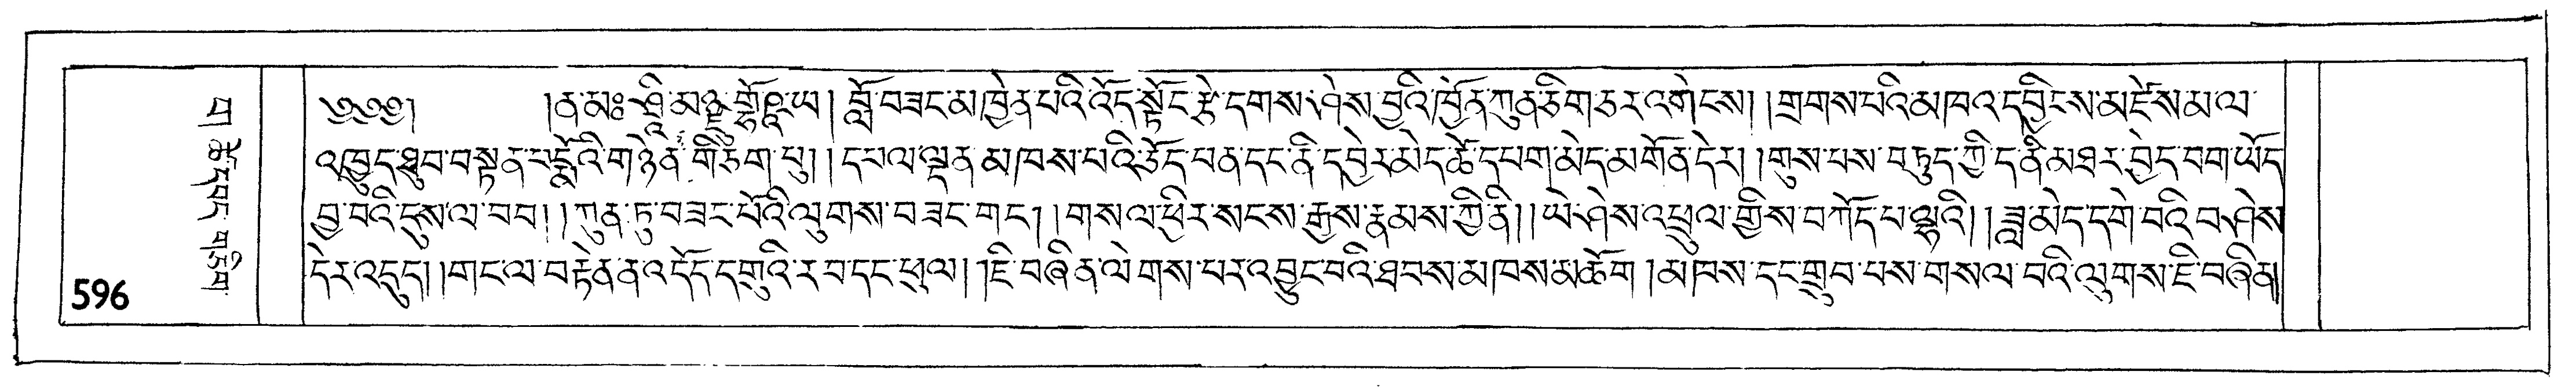༄༅༅། །ན་མཿ ཤྲཱི་མཉྫུ་གྷོ་ཥཱ་ཡ། བློ་བཟང་མཁྱེན་པའི་འོད་སྟོང་རྩེ་དགས་ཤེས་བྱའི་ཁྱོན་ཀུན་ཅིག་ཅར་འགེངས། །གྲགས་པའི་མཁའ་དབྱིངས་མཛེས་མ་ལ་
འཁྱུད་ཐུབ་བསྟན་པདམོའི་གཉེན་གཅིག་པུ། །དཔལ་ལྡན་མཁས་པའི་ཅོད་པན་དང་ནི་དབྱེར་མེད་ཚེ་དཔག་མེད་མགོན་དེར། །གུས་པས་བཏུད་ཀྱི་ད་ནི་མཐར་བྱེད་བག་ཡོད་
བྱ་བའི་དུས་ལ་བབ། །ཀུན་ཏུ་བཟང་པོའི་ལུགས་བཟང་གང་། །གསལ་ཕྱིར་སངས་རྒྱས་རྣམས་ཀྱི་ནི། །ཡེ་ཤེས་འཕྲུལ་གྱིས་བཀོད་པ་ལྷའི། །ཟླ་མེད་དགེ་བའི་བཤེས་
དེར་འདུད། །གང་ལ་བརྟེན་ན་འདོད་དགུའི་རབ་དང་ཕུལ། །ཇི་བཞིན་ལེགས་པར་འབྱུང་བའི་ཐབས་མཁས་མཆོག །མཁས་དང་གྲུབ་པས་གསལ་བའི་ལུགས་ཇི་བཞིན།